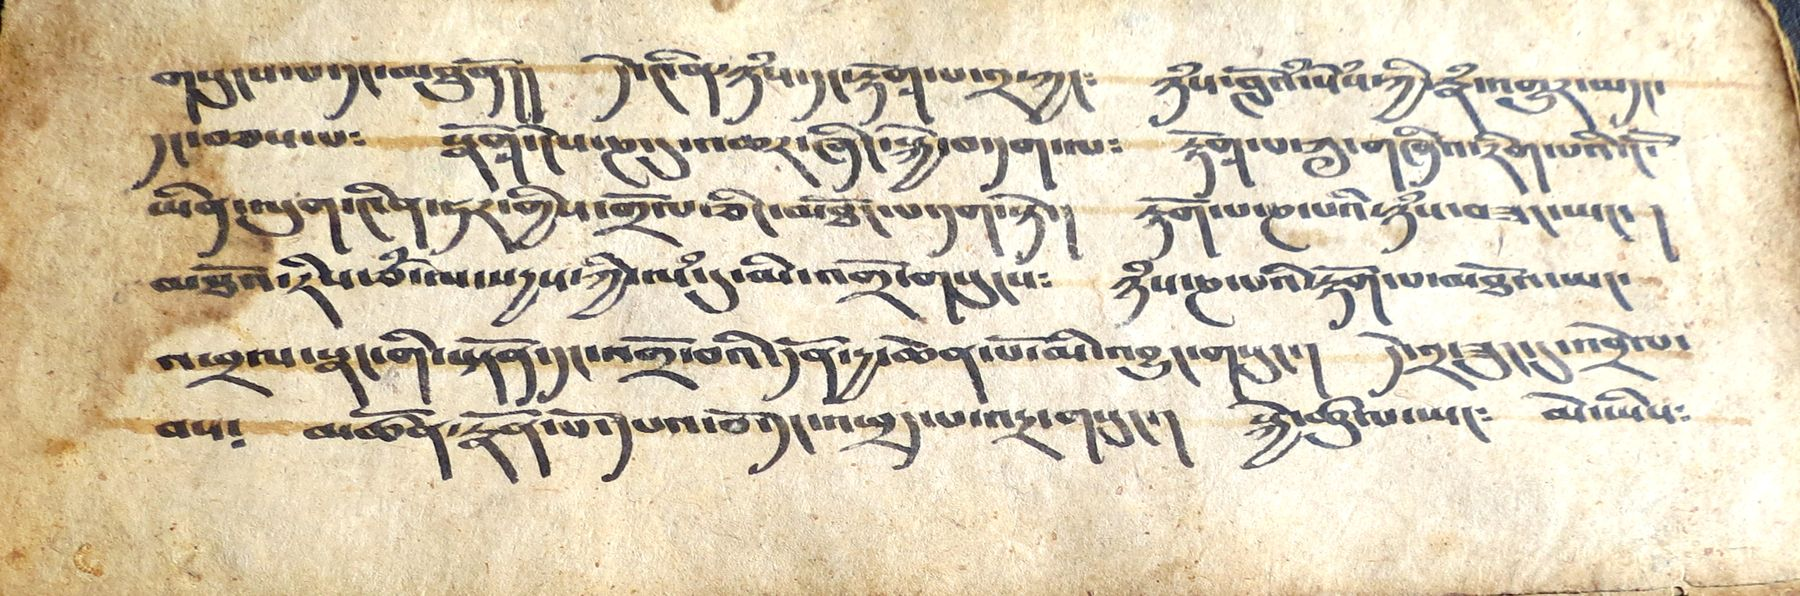གསུངས་པ་དང་མཐུན་ནོ། ། དེ་བཞིན་ཉམས་དང་རྟོགས་པ་གཉིས་ཀྱང་། ཉམས་བློའམ་སེམས་ཀྱི་རྣམ་པ་འགྱུར་བ་དང་
དང་བཅས་པ་སྣ་ ཚོགས་ངེས་མེད་དུ་འཆར་ཞིང་སྐྱེ་བ་དག་ལ། རྟོགས་པ་ཀུན་གཞི་རིག་པའི་ངོ་བོ་
ཡིན་ལུགས་བཞིན་ཧར་གྱིས་གྲོལ་ཞིང་མཐོང་བ་དག་སྟེ། རྟོགས་པ་མེད་པས་ཉམས་བཟང་ཡང་། 
མཐོ་རིས་ཙམ་ལས་སངས་རྒྱས་ཀྱི་ལམ་ལ་མི་འགྲོ་གསུངས། ཉམས་མེད་པའི་རྟོགས་པ་མཐོ་ཡང་
འཕྲལ་སྣང་གི་ཡོན་ཏན་དང་། འགྲོ་བའི་དོན་རྒྱ་ཆེན་པོ་མི་འབྱུང་གསུང་། དེ་གཉིས་ཟུང་དུ་འབྲེལ་
བས་ མཚོན་རྣོན་པོ་མི་དཔའ་བོ་དང་འཕྲད་པ་འདྲ་གསུངས། སྐྱེ་ཚུལ་ཡང་མེ་ཡིས།